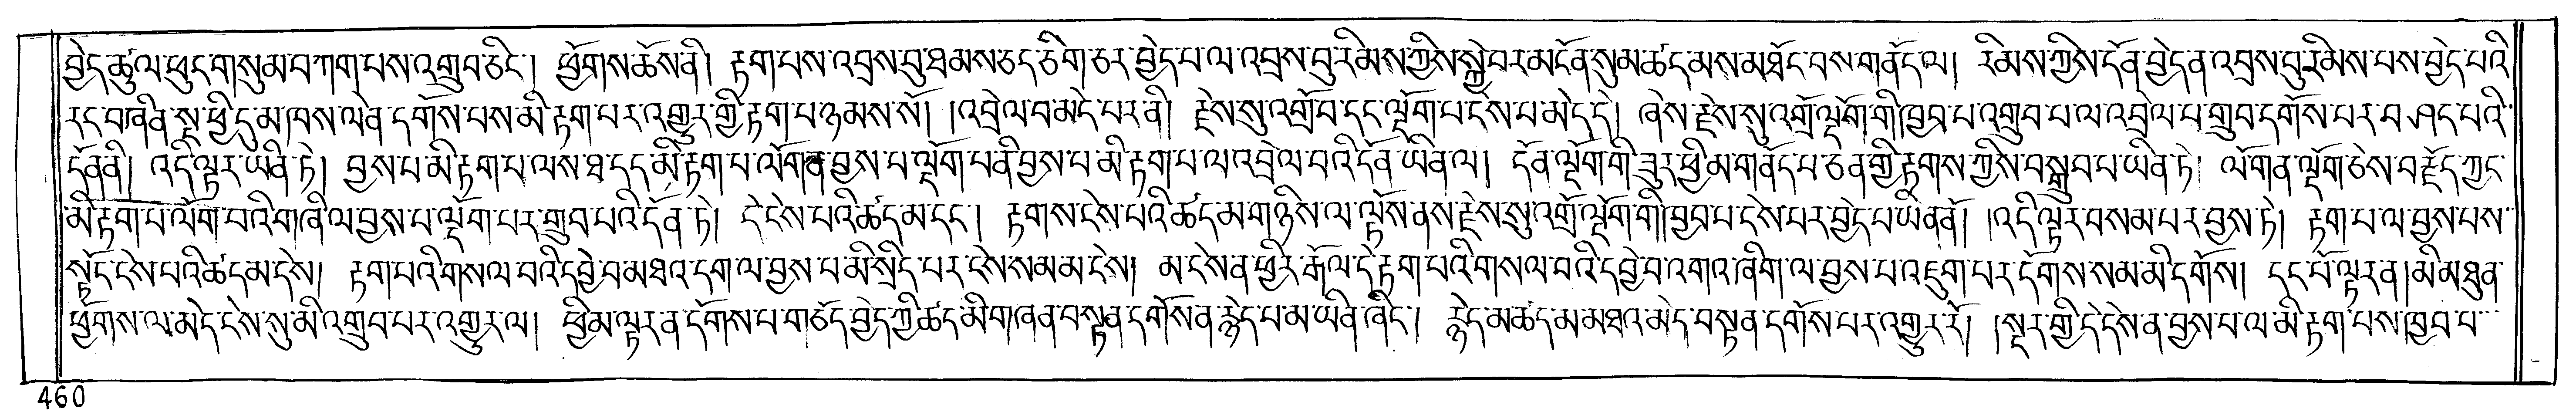བྱེད་ཚུལ་ཕུང་གསུམ་བཀག་པས་འགྲུབ་ཅིང་། ཕྱོགས་ཆོས་ནི། རྟག་པས་འབྲས་བུ་ཐམས་ཅད་ཅིག་ཅར་བྱེད་པ་ལ་འབྲས་བུ་རིམས་ཀྱིས་སྐྱེ་བར་མངོན་སུམ་ཚད་མས་མཐོང་བས་གནོད་ལ། རིམས་ཀྱིས་དོན་བྱེད་ན་འབྲས་བུ་རིམས་པས་བྱེད་པའི་
རང་བཞིན་སྔ་ཕྱི་དུ་མ་ཁས་ལེན་དགོས་པས་མི་རྟག་པར་འགྱུར་གྱི་རྟག་པ་ཉམས་སོ། །འབྲེལ་པ་མེད་པར་ནི། རྗེས་སུ་འགྲོ་བ་དང་ལྡོག་པ་ངེས་པ་མེད་དེ། ཞེས་རྗེས་སུ་འགྲོ་ལྡོག་གི་ཁྱབ་པ་འགྲུབ་པ་ལ་འབྲེལ་པ་གྲུབ་དགོས་པར་བཤད་པའི་
དོན་ནི། འདི་ལྟར་ཡིན་ཏེ། བྱས་པ་མི་རྟག་པ་ལས་ཐ་དད་མི་རྟག་པ་ལོག་ན་བྱས་པ་ལྡོག་པ་ནི་བྱས་པ་མི་རྟག་པ་ལ་འབྲེལ་བའི་དོན་ཡིན་ལ། དོན་ལྡོག་གི་ཟུར་ཕྱི་མ་གནོད་པ་ཅན་གྱི་རྟགས་ཀྱིས་བསྒྲུབ་པ་ཡིན་ཏེ། ལོག་ན་ལྡོག་ཅེས་བརྗོད་ཀྱང་
མི་རྟག་པ་ལོག་པའི་གཞི་ལ་བྱས་པ་ལྡོག་པར་གྲུབ་པའི་དོན་ཏེ། དེ་ངེས་པའི་ཚད་མ་དང་། རྟགས་ངེས་པའི་ཚད་མ་གཉིས་ལ་ལྟོས་ནས་རྗེས་སུ་འགྲོ་ལྡོག་གི་ཁྱབ་པ་ངེས་པར་བྱེད་པ་ཡིན་ནོ། །འདི་ལྟར་བསམ་པར་བྱས་ཏེ། རྟག་པ་ལ་བྱས་པས་
སྟོང་ངེས་པའི་ཚད་མ་ངེས། རྟག་པའི་གསལ་བའི་དབྱེ་བ་མཐའ་དག་ལ་བྱས་པ་མི་སྲིད་པར་ངེས་སམ་མ་ངེས། མ་ངེས་ན་ཕྱིར་རྒོལ་དེ་རྟག་པའི་གསལ་བའི་དབྱེ་བ་འགའ་ཞིག་ལ་བྱས་པ་འཇུག་པར་དོགས་སམ་མི་དགོས། དང་པོ་ལྟར་ན། མི་མཐུན་
ཕྱོགས་ལ་མེད་ངེས་སུ་མི་འགྲུབ་པར་འགྱུར་ལ། ཕྱི་མ་ལྟར་ན་དོགས་པ་གཅོད་བྱེད་ཀྱི་ཚད་མ་གཞན་བསྟན་དགོས་ན་རྙེད་པ་མ་ཡིན་ཞིང་། རྙེད་ན་ཚད་མ་མཐའ་མེད་བསྟན་དགོས་པར་འགྱུར་རོ། །སྔར་གྱི་དེ་ངེས་ན་བྱས་པ་ལ་མི་རྟག་པས་ཁྱབ་པ་